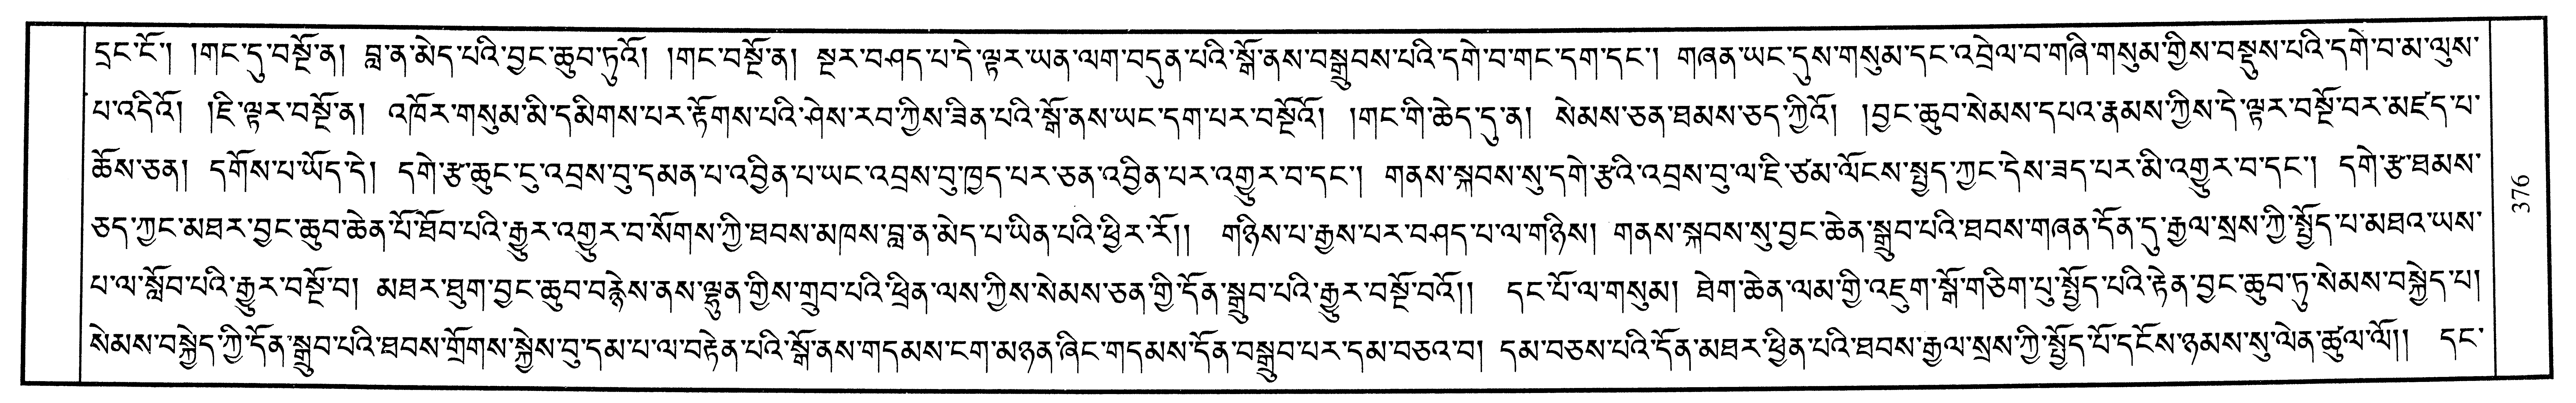དྲང་ངོ། །གང་དུ་བསྔོ་ན། བླ་ན་མེད་པའི་བྱང་ཆུབ་ཏུའོ། །གང་བསྔོ་ན། སྔར་བཤད་པ་དེ་ལྟར་ཡན་ལག་བདུན་པའི་སྒོ་ནས་བསྒྲུབས་པའི་དགེ་བ་གང་དག་དང་། གཞན་ཡང་དུས་གསུམ་དང་འབྲེལ་བ་གཞི་གསུམ་གྱིས་བསྡུས་པའི་དགེ་བ་མ་ལུས་
པ་འདིའོ། །ཇི་ལྟར་བསྔོ་ན། འཁོར་གསུམ་མི་དམིགས་པར་རྟོགས་པའི་ཤེས་རབ་ཀྱིས་ཟིན་པའི་སྒོ་ནས་ཡང་དག་པར་བསྔོའོ། །གང་གི་ཆེད་དུ་ན། སེམས་ཅན་ཐམས་ཅད་ཀྱིའོ། །བྱང་ཆུབ་སེམས་དཔའ་རྣམས་ཀྱིས་དེ་ལྟར་བསྔོ་བར་མཛད་པ་
ཆོས་ཅན། དགོས་པ་ཡོད་དེ། དགེ་རྩ་ཆུང་ངུ་འབྲས་བུ་དམན་པ་འབྱིན་པ་ལ་ཡང་འབྲས་བུ་ཁྱད་པར་ཅན་འབྱིན་པར་འགྱུར་བ་དང་། གནས་སྐབས་སུ་དགེ་རྩའི་འབྲས་བུ་ལ་ཇི་ཙམ་ལོངས་སྤྱད་ཀྱང་དེས་ཟད་པར་མི་འགྱུར་བ་དང་། དགེ་རྩ་ཐམས་
ཅད་ཀྱང་མཐར་བྱང་ཆུབ་ཆེན་པོ་ཐོབ་པའི་རྒྱུར་འགྱུར་བ་སོགས་ཀྱི་ཐབས་མཁས་བླ་ན་མེད་པ་ཡིན་པའི་ཕྱིར་རོ།། གཉིས་པ་རྒྱས་པར་བཤད་པ་ལ་གཉིས། གནས་སྐབས་སུ་བྱང་ཆེན་སྒྲུབ་པའི་ཐབས་གཞན་དོན་དུ་རྒྱལ་སྲས་ཀྱི་སྤྱོད་པ་མཐའ་ཡས་
པ་ལ་སློབ་པའི་རྒྱུར་བསྔོ་བ། མཐར་ཐུག་བྱང་ཆུབ་བརྙེས་ནས་ལྷུན་གྱིས་གྲུབ་པའི་ཕྲིན་ལས་ཀྱིས་སེམས་ཅན་གྱི་དོན་སྒྲུབ་པའི་རྒྱུར་བསྔོ་བའོ།། དང་པོ་ལ་གསུམ། ཐེག་ཆེན་ལམ་གྱི་འཇུག་སྒོ་གཅིག་པུ་སྤྱོད་པའི་རྟེན་བྱང་ཆུབ་ཏུ་སེམས་བསྐྱེད་པ།
སེམས་བསྐྱེད་ཀྱི་དོན་སྒྲུབ་པའི་ཐབས་གྲོགས་སྐྱེས་བུ་དམ་པ་ལ་བརྟེན་པའི་སྒོ་ནས་གདམས་ངག་མཉན་ཞིང་གདམས་དོན་བསྒྲུབ་པར་དམ་བཅའ་བ། དམ་བཅས་པའི་དོན་མཐར་ཕྱིན་པའི་ཐབས་རྒྱལ་སྲས་ཀྱི་སྤྱོད་པོ་དངོས་ཉམས་སུ་ལེན་ཚུལ་ལོ།། དང་